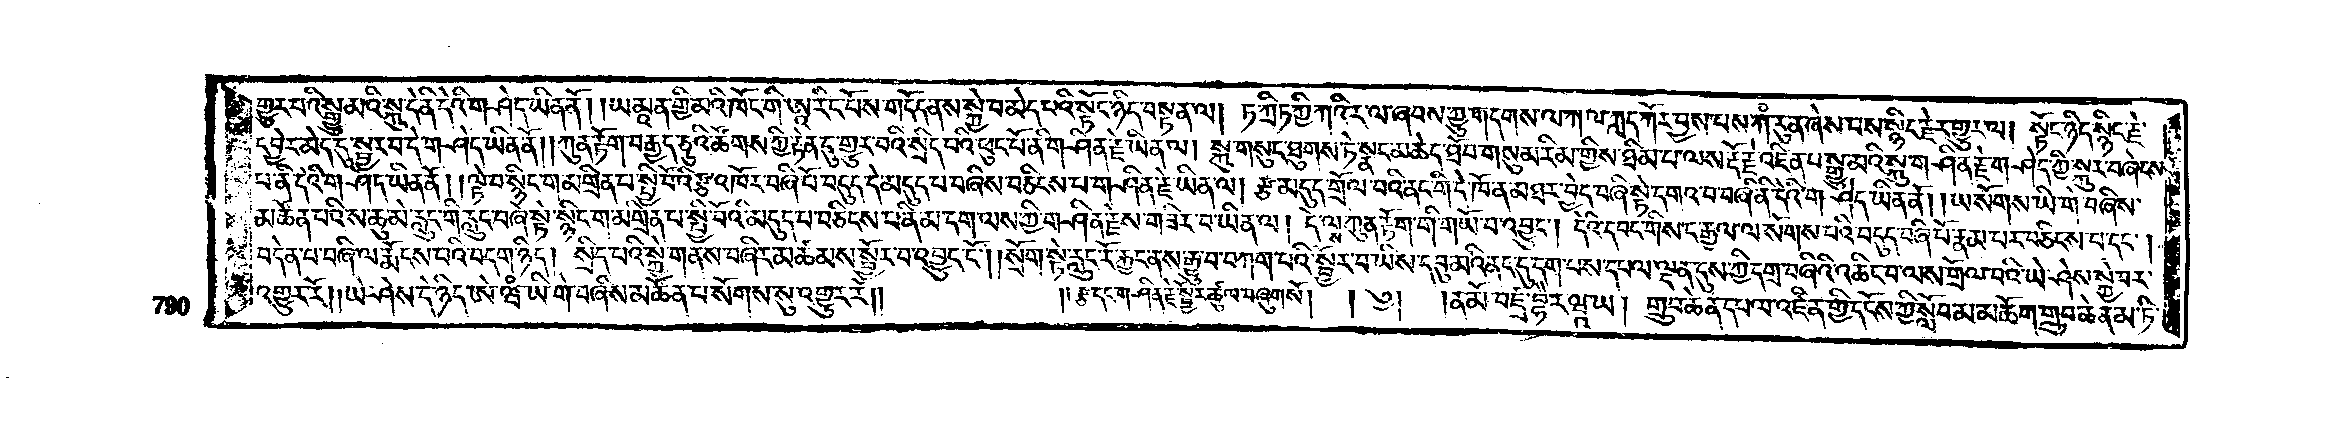གྱུར་པའི་སྒྱུ་མའི་སྐུ་དེ་ནི་དེའི་གཤེད་ཡིན་ནོ། །ཡ་མཱན་གྱི་མའི་ཁོང་གི་ཨཱ་རིང་པོས་གདོད་ནས་སྐྱེ་བ་མེད་པའི་སྟོང་ཉིད་བསྟན་ལ། ཏ་ཀྲིཏ་ཀྱི་ཀའི་ར་ལ་ཞབས་ཀྱུ་གདགས་ལ་ཀ་ལ་ཀླད་ཀོར་བྱས་པས་ཀཾ་རུ་ན་ཞེས་པས་སྙིང་རྗེར་གྱུར་ལ། སྟོང་ཉིད་སྙིང་རྗེ་
དབྱེར་མེད་དུ་སྦྱར་བ་དེ་གཤེད་ཡིན་ནོ། །ཀུན་རྟོག་བརྒྱད་ཅུའི་ཚོགས་ཀྱི་རྟེན་དུ་གྱུར་བའི་སྲིད་པའི་ཕུང་པོ་ནི་གཤིན་རྗེ་ཡིན་ལ། སྐུ་གསུང་ཐུགས་ཏེ་སྣང་མཆེད་ཐོབ་གསུམ་རིམ་གྱིས་ཐིམ་པ་ལས་རྡོ་རྗེ་འཛིན་པ་སྒྱུ་མའི་སྐུ་གཤིན་རྗེ་གཤེད་ཀྱི་སྐུར་བཞེངས་
པ་ནི་དེའི་གཤེད་ཡིན་ནོ། །ལྟེ་བ་སྙིང་ག་མགྲིན་པ་སྤྱི་བོའི་རྩ་འཁོར་བཞི་པོ་བདུད་དེ་མདུད་པ་བཞིས་བཅིངས་པ་གཤིན་རྗེ་ཡིན་ལ། རྩ་མདུད་གྲོལ་བའི་ནང་གི་དེ་ཁོ་ན་མཐར་བྱེད་བཞི་སྟེ་དགའ་བ་བཞི་ནི་དེའི་གཤེད་ཡིན་ནོ། །ཡ་སོགས་ཡི་གེ་བཞིས་
མཚོན་པའི་ས་ཆུ་མེ་རླུང་གི་རླུང་བཞེ་སྟེ་སྙིང་ག་མགྲིན་པ་སྤྱི་བོའི་མདུད་པ་བཅིངས་པ་ནི་མ་དག་ལས་ཀྱི་གཤིན་རྗེས་གཟིར་བ་ཡིན་ལ། དེ་ལས་ཀུན་རྟོག་གི་གཡོ་བ་འབྱུང་། དེའི་དབང་གིས་ང་རྒྱལ་ལ་སོགས་པའི་བདུད་བཞི་པོ་རྣམ་པར་བཅིངས་པ་དང་།
བདེན་པ་བཞི་ལ་རྨོངས་པའི་བདག་ཉིད། སྲིད་པའི་སྐྱེ་གནས་བཞིར་མཚམས་སྦྱོར་བ་འབྱུང་ངོ། །སྲོག་སྟེ་རླུང་རོ་རྐྱང་ནས་རྒྱུ་བ་བཀག་པའི་སྦྱོར་བ་ཡིས་དབུ་མའི་ནང་དུ་དག་པས་དཔལ་ལྡན་དུས་ཀྱི་དགྲ་བཞིའི་འཆིང་བ་ལས་གྲོལ་བའི་ཡེ་ཤེས་སྐྱེ་བར་
འགྱུར་རོ། །ཡེ་ཤེས་དེ་ཉིད་ཨེ་ཝཾ་ཡི་གེ་བཞིས་མཚོན་པ་སོགས་སུ་འགྱུར་རོ།། །། རྩ་དང་གཤིན་རྗེ་སྦྱོར་ཚུལ་བཞུགས་སོ།  ། ༄༅། །ན་མོ་བཛྲ་བྷཻ་ར་ཝཱ་ཡ། གྲུབ་ཆེན་དཔལ་འཛིན་གྱི་དངོས་ཀྱི་སློབ་མ་མཆོག་གྲུབ་ཆེན་མ་ཏི་